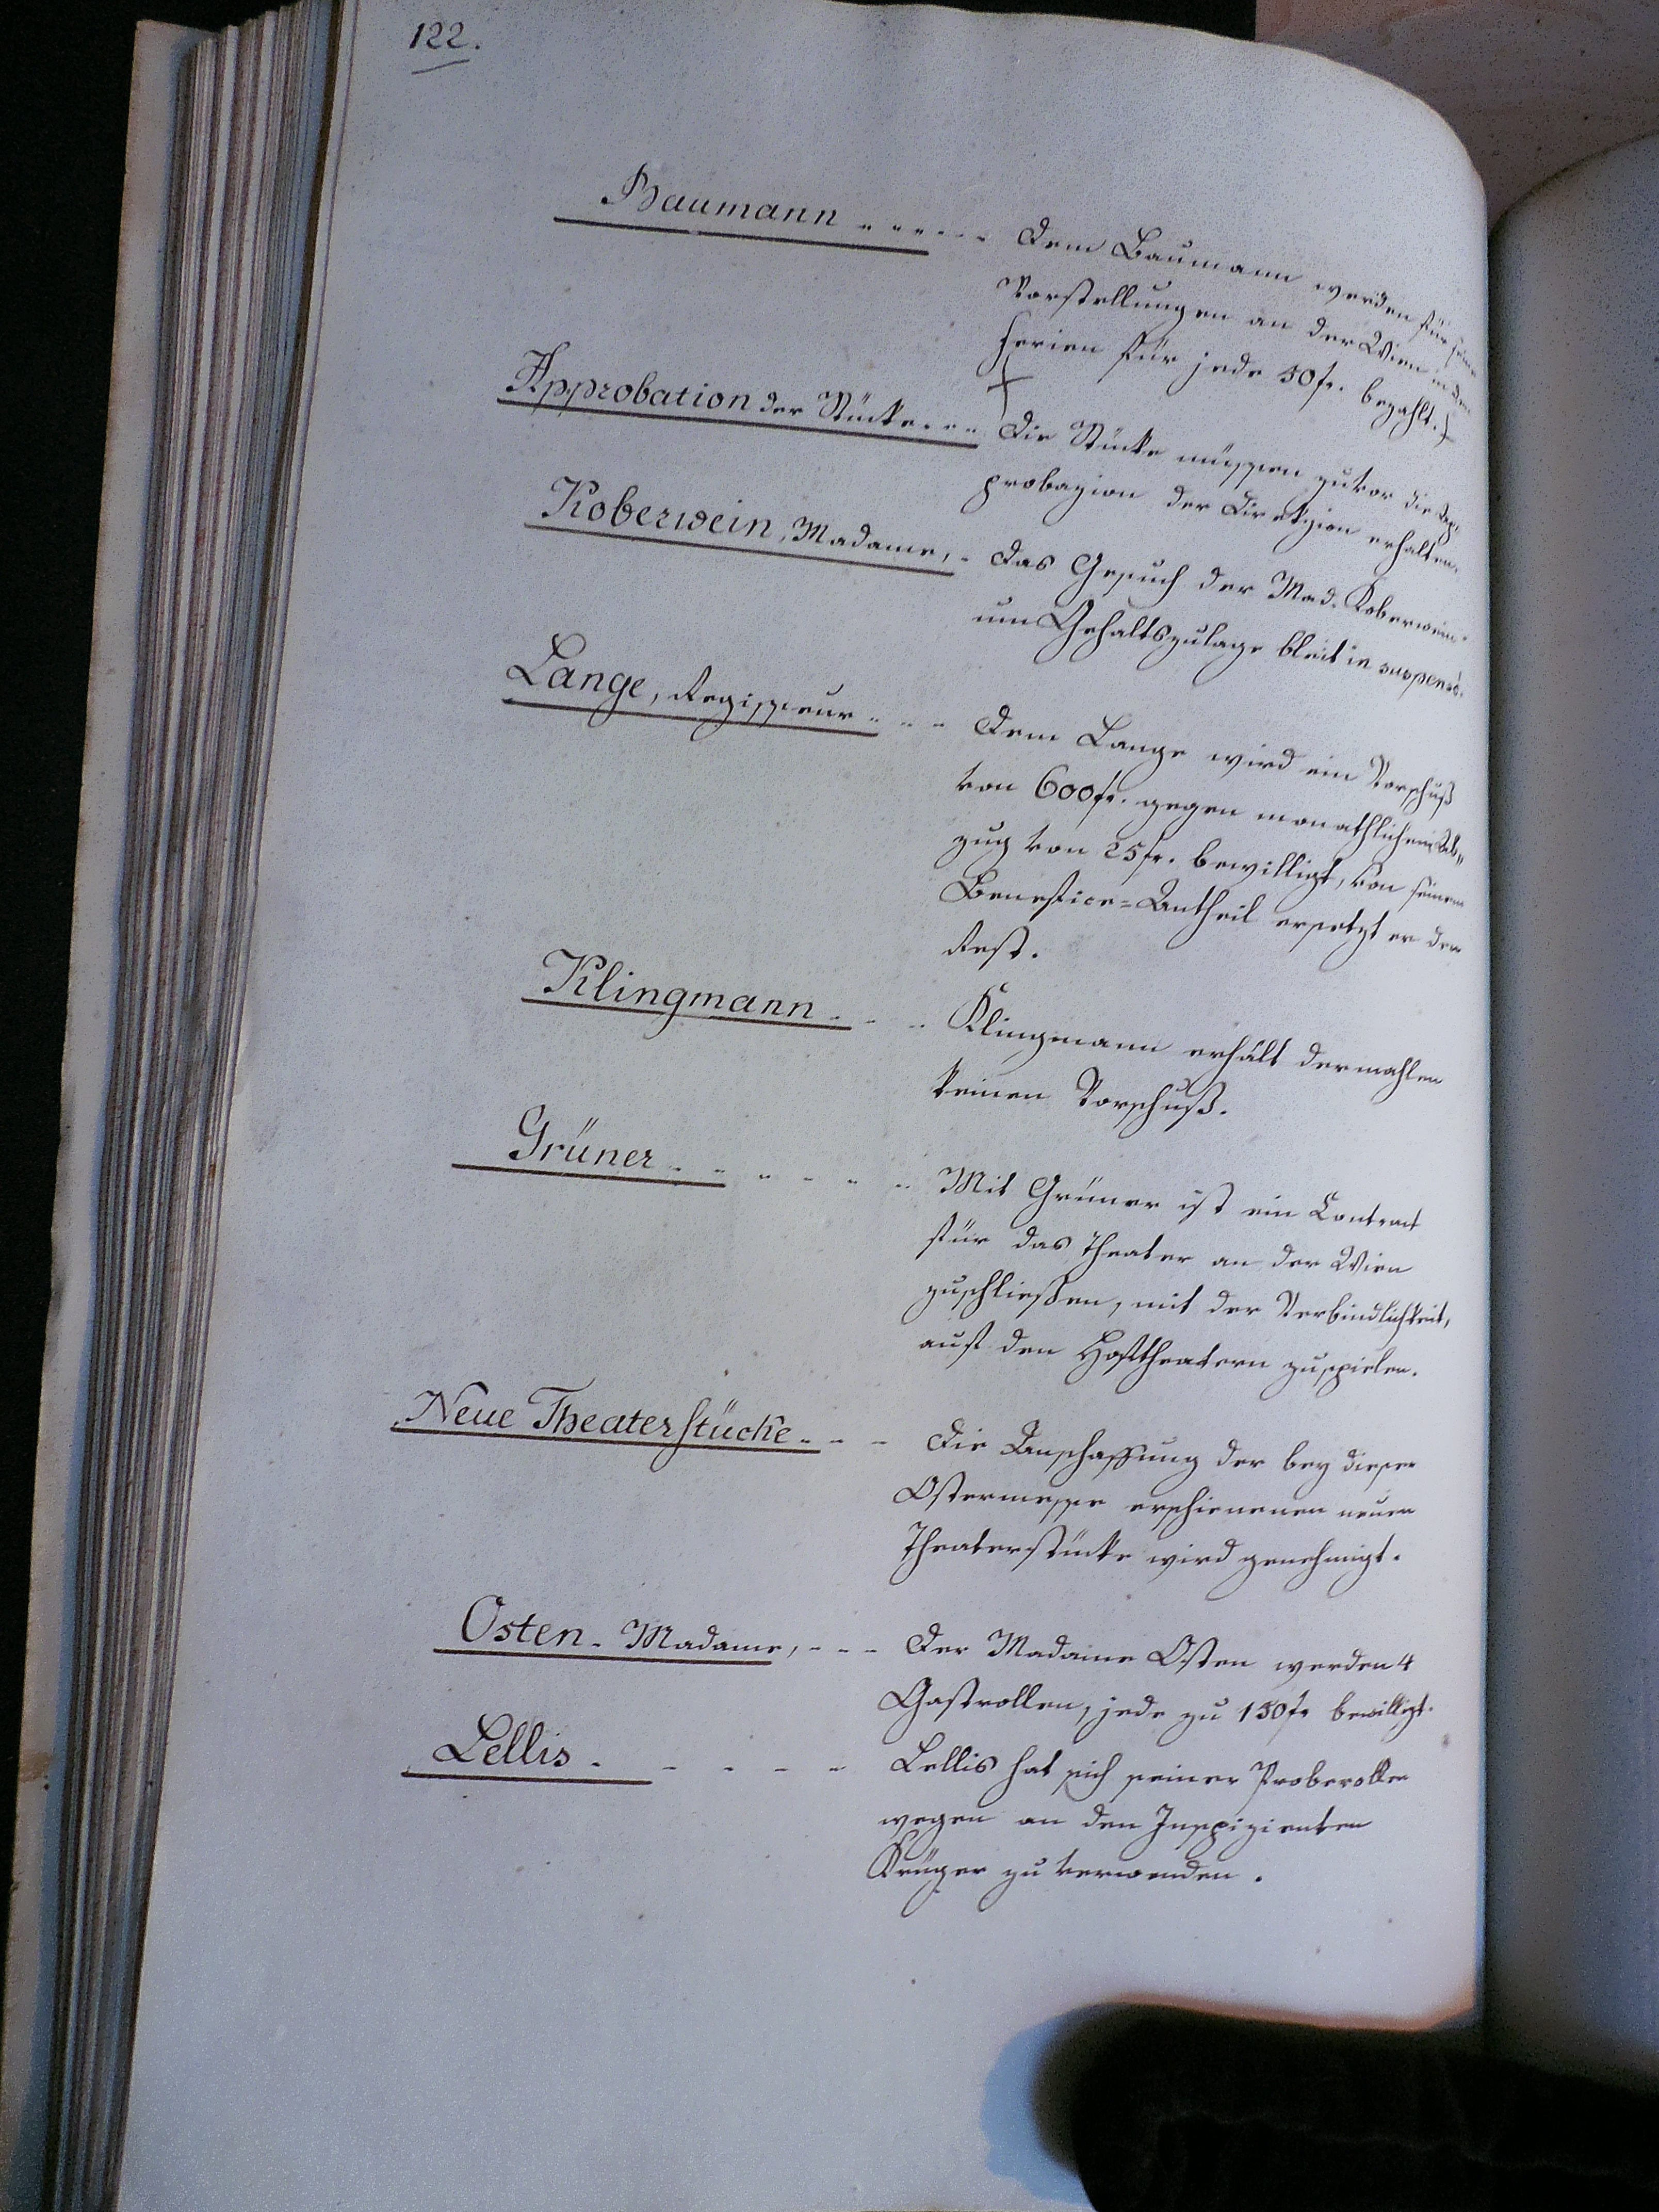122.
Baumann .. .. .. .. . .. Dem Baumann werden für seine
Vorstellungen an der Wien in den
Ferien für jede 50fr. bezahlt f
f
Approbation der Stücke. .. .. Die Stücke müssen zuvor die Ap¬
probazion der Direkzion erhalten.
Koberwein, Madame, .. Das Gesuch der Mad. Koberwein
um Gehaltszulage bleit in suspenso.
Lange, Regisseur .. .. .. Dem Lange wird ein Vorschuß
von 600fr. gegen monathlichen Ab¬
zug von 25fr. bewilligt, von seinem
Benefice=Antheil ersetzt er den
Rest.
Klingmann .. .. .. Klingmann erhält der mahlen
keinen Vorschuß.
Grüner . .. .. .. .. .. Mit Grüner ist ein Contract
für das Theater an der Wien
zuschließen, mit der Verbindlichkeit,
auf den Hoftheatern zuspielen.
Neue Teaterstücke .. .. .. Die Anschaffung der bey dieser
Ostermesse erschienenen neuen
Theaterstücke wird genehmigt.
Osten. Madame, .. .. .. Der Madame Osten werden 4
Gastrollen, jede zu 150r bewilligt.
Lellis .. .. .. .. .. Lellis hat sich seiner Proberollen
wegen an den Inspizienten
Krüger zu verwenden.